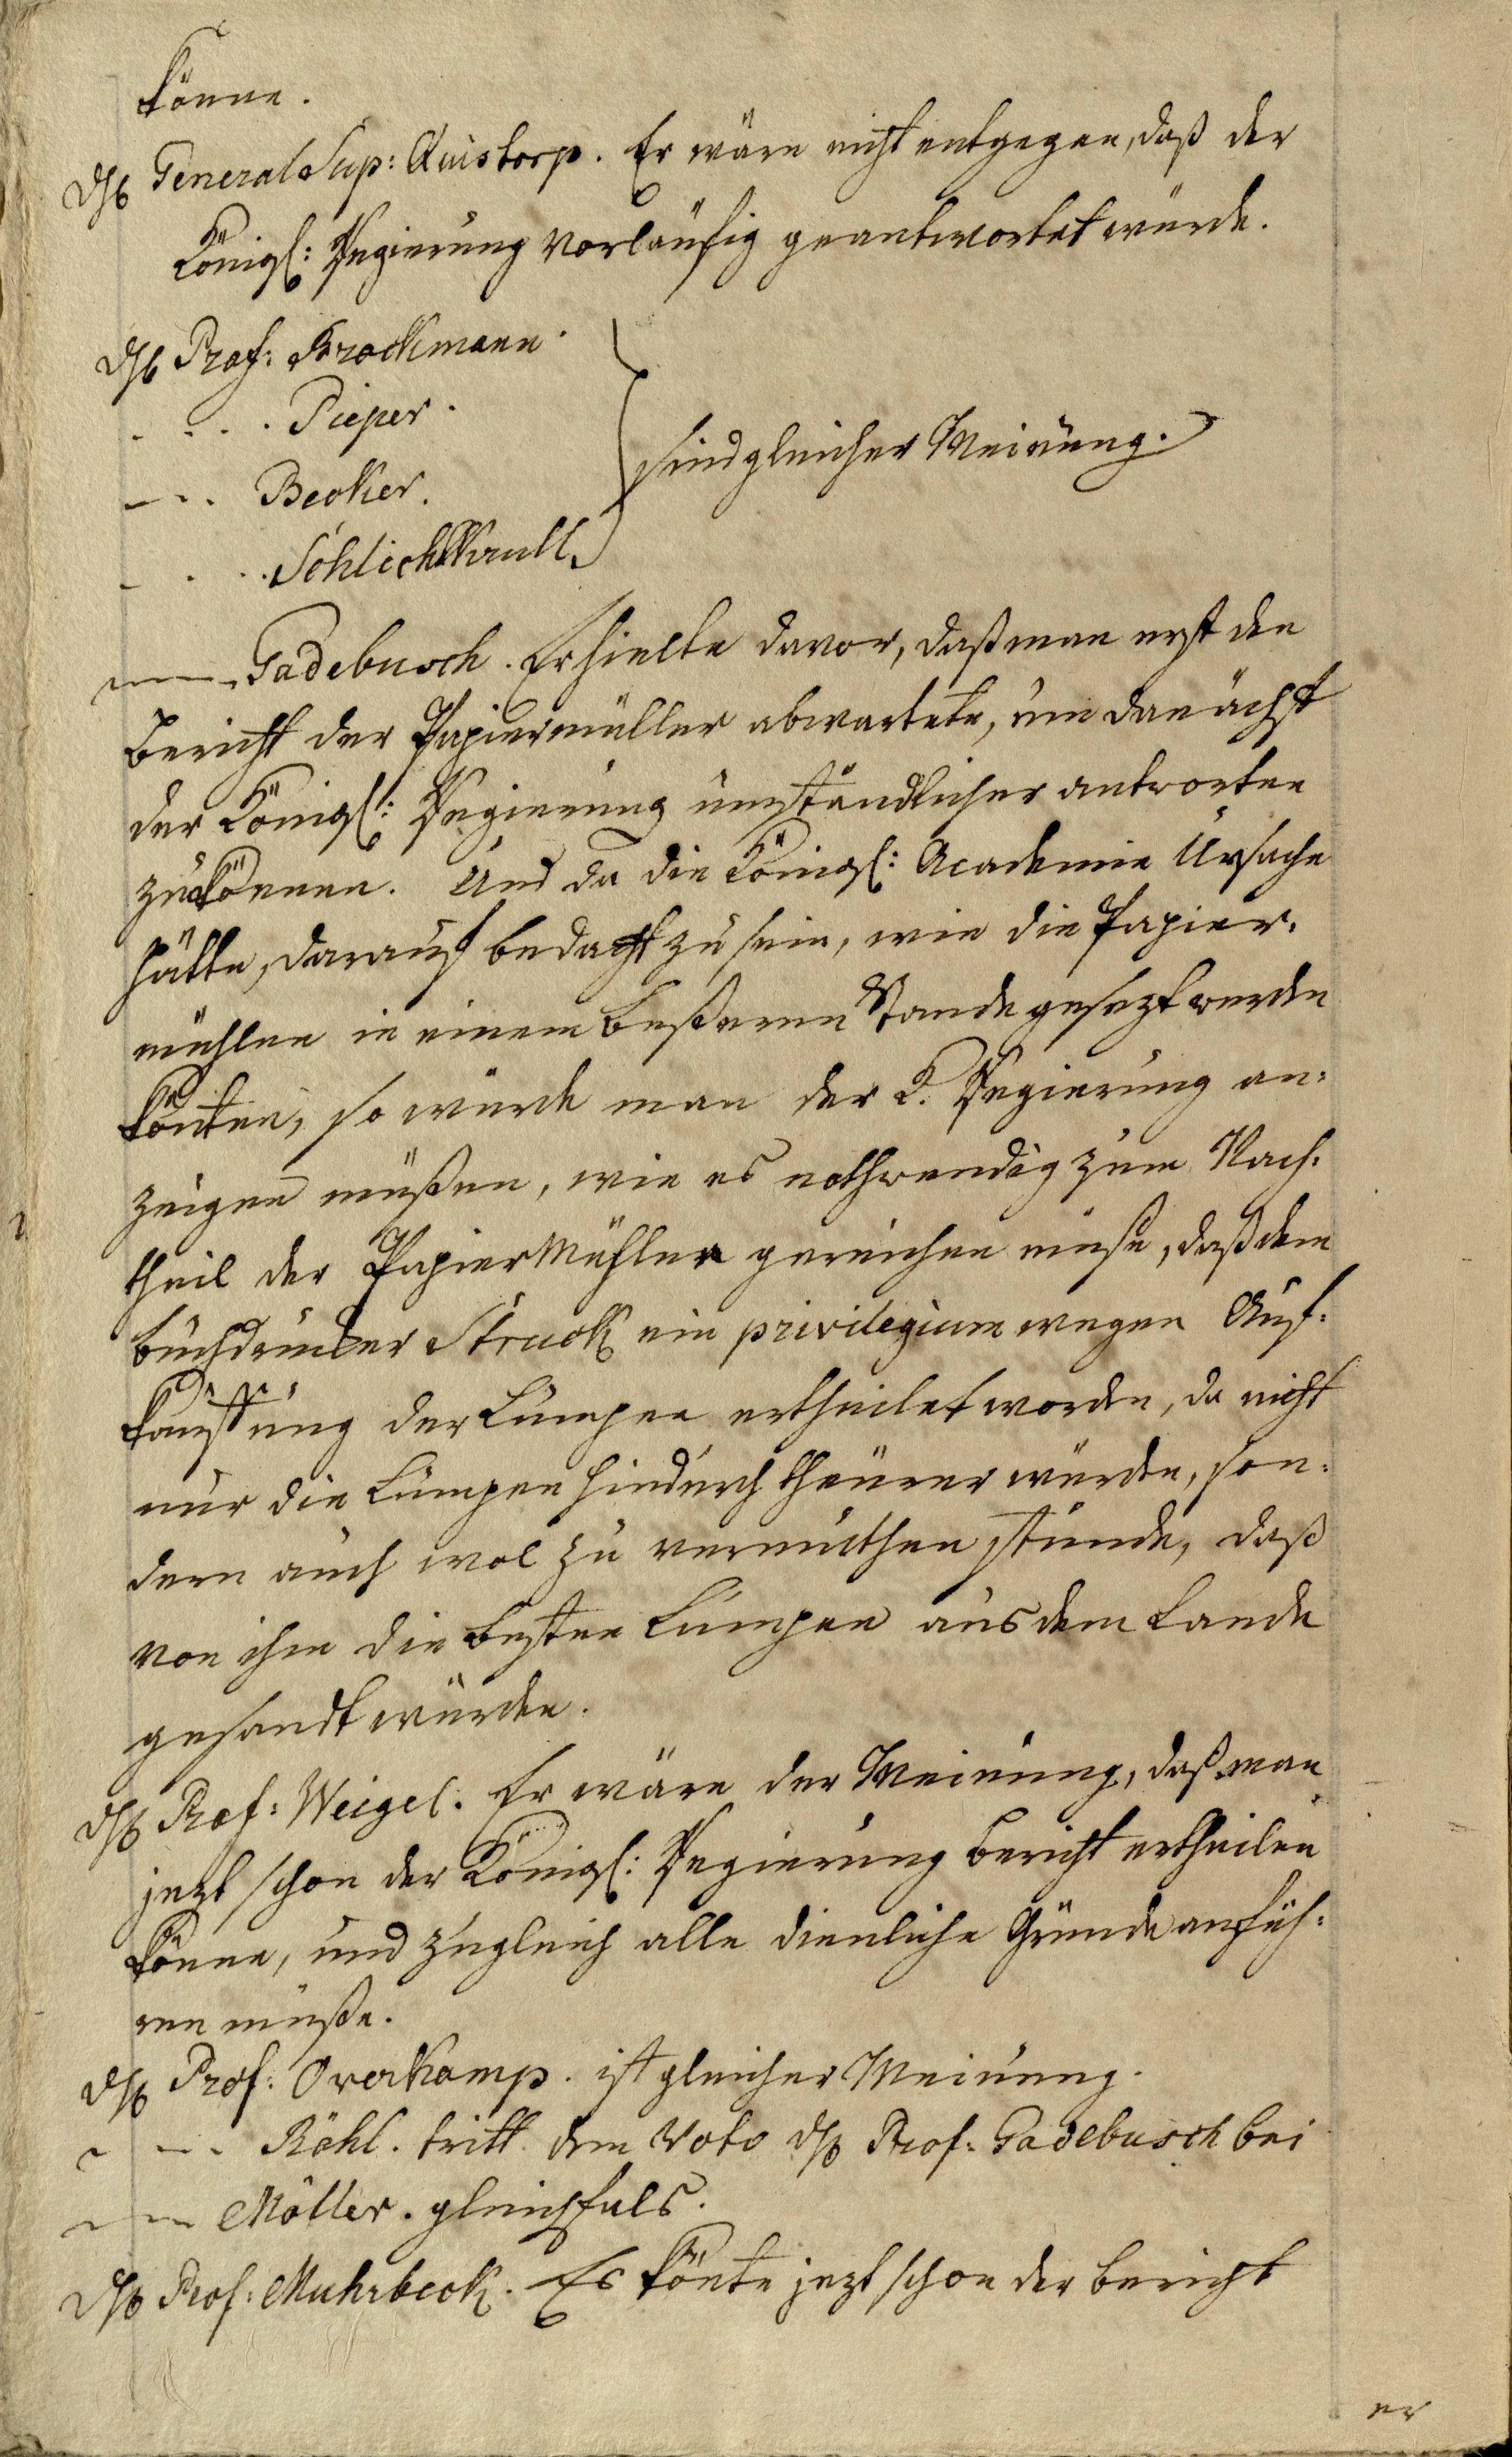könne.
dh General Sup. Quistorp. Er wäre nicht entgegen, daß der
Königl. Regierung vorläufig geantwortet würde.
dh Prof. Brockmann
Pieper
sind gleicher Meinung.
Becker.
Schlichtkrull
Gadebusch Er hielte davor, das man erst den
Bericht der Papiermüller abwartete, um danächst
der Königl. Regierung umständlicher antworten
zu können. Und Da die Königl. Academie Ursache
hätte, darauf bedacht zu sein, wie die Papier¬
mühlen in einem beßeren Stande gesezt werden
könten, so würde man der K. Regierung an¬
zeigen müßen, wie es nothwendig zum Nach¬
theil der PapierMühlen gereichen müße, daß dem
Buchdrucker Struck ein privilegium wegen Auf¬
kauffung der Lumpen ertheilet worden, da nicht
nur die Lumpen hiedurch theurer würden, son¬
dern auch wohl zu vermuthen stünde, daß
von ihm die Besten Lumpen ausd em Lande
gesandt würden.
dh Prof. Weigel. Er wäre der Meinung, daß man
jezt schon der Königl. Regierung Bericht ertheilen
könne, und zugleich alle dienliche Gründe anfüh¬
ren müße.
dh Prof. Overkamp. ist gleicher Meinung.
REöhl. tritt dem Voto dh Prof. Gadebusch bei
Möller. gleichfals.
dh Prof. Muhrbeck. Es könte jezt schon der Bericht